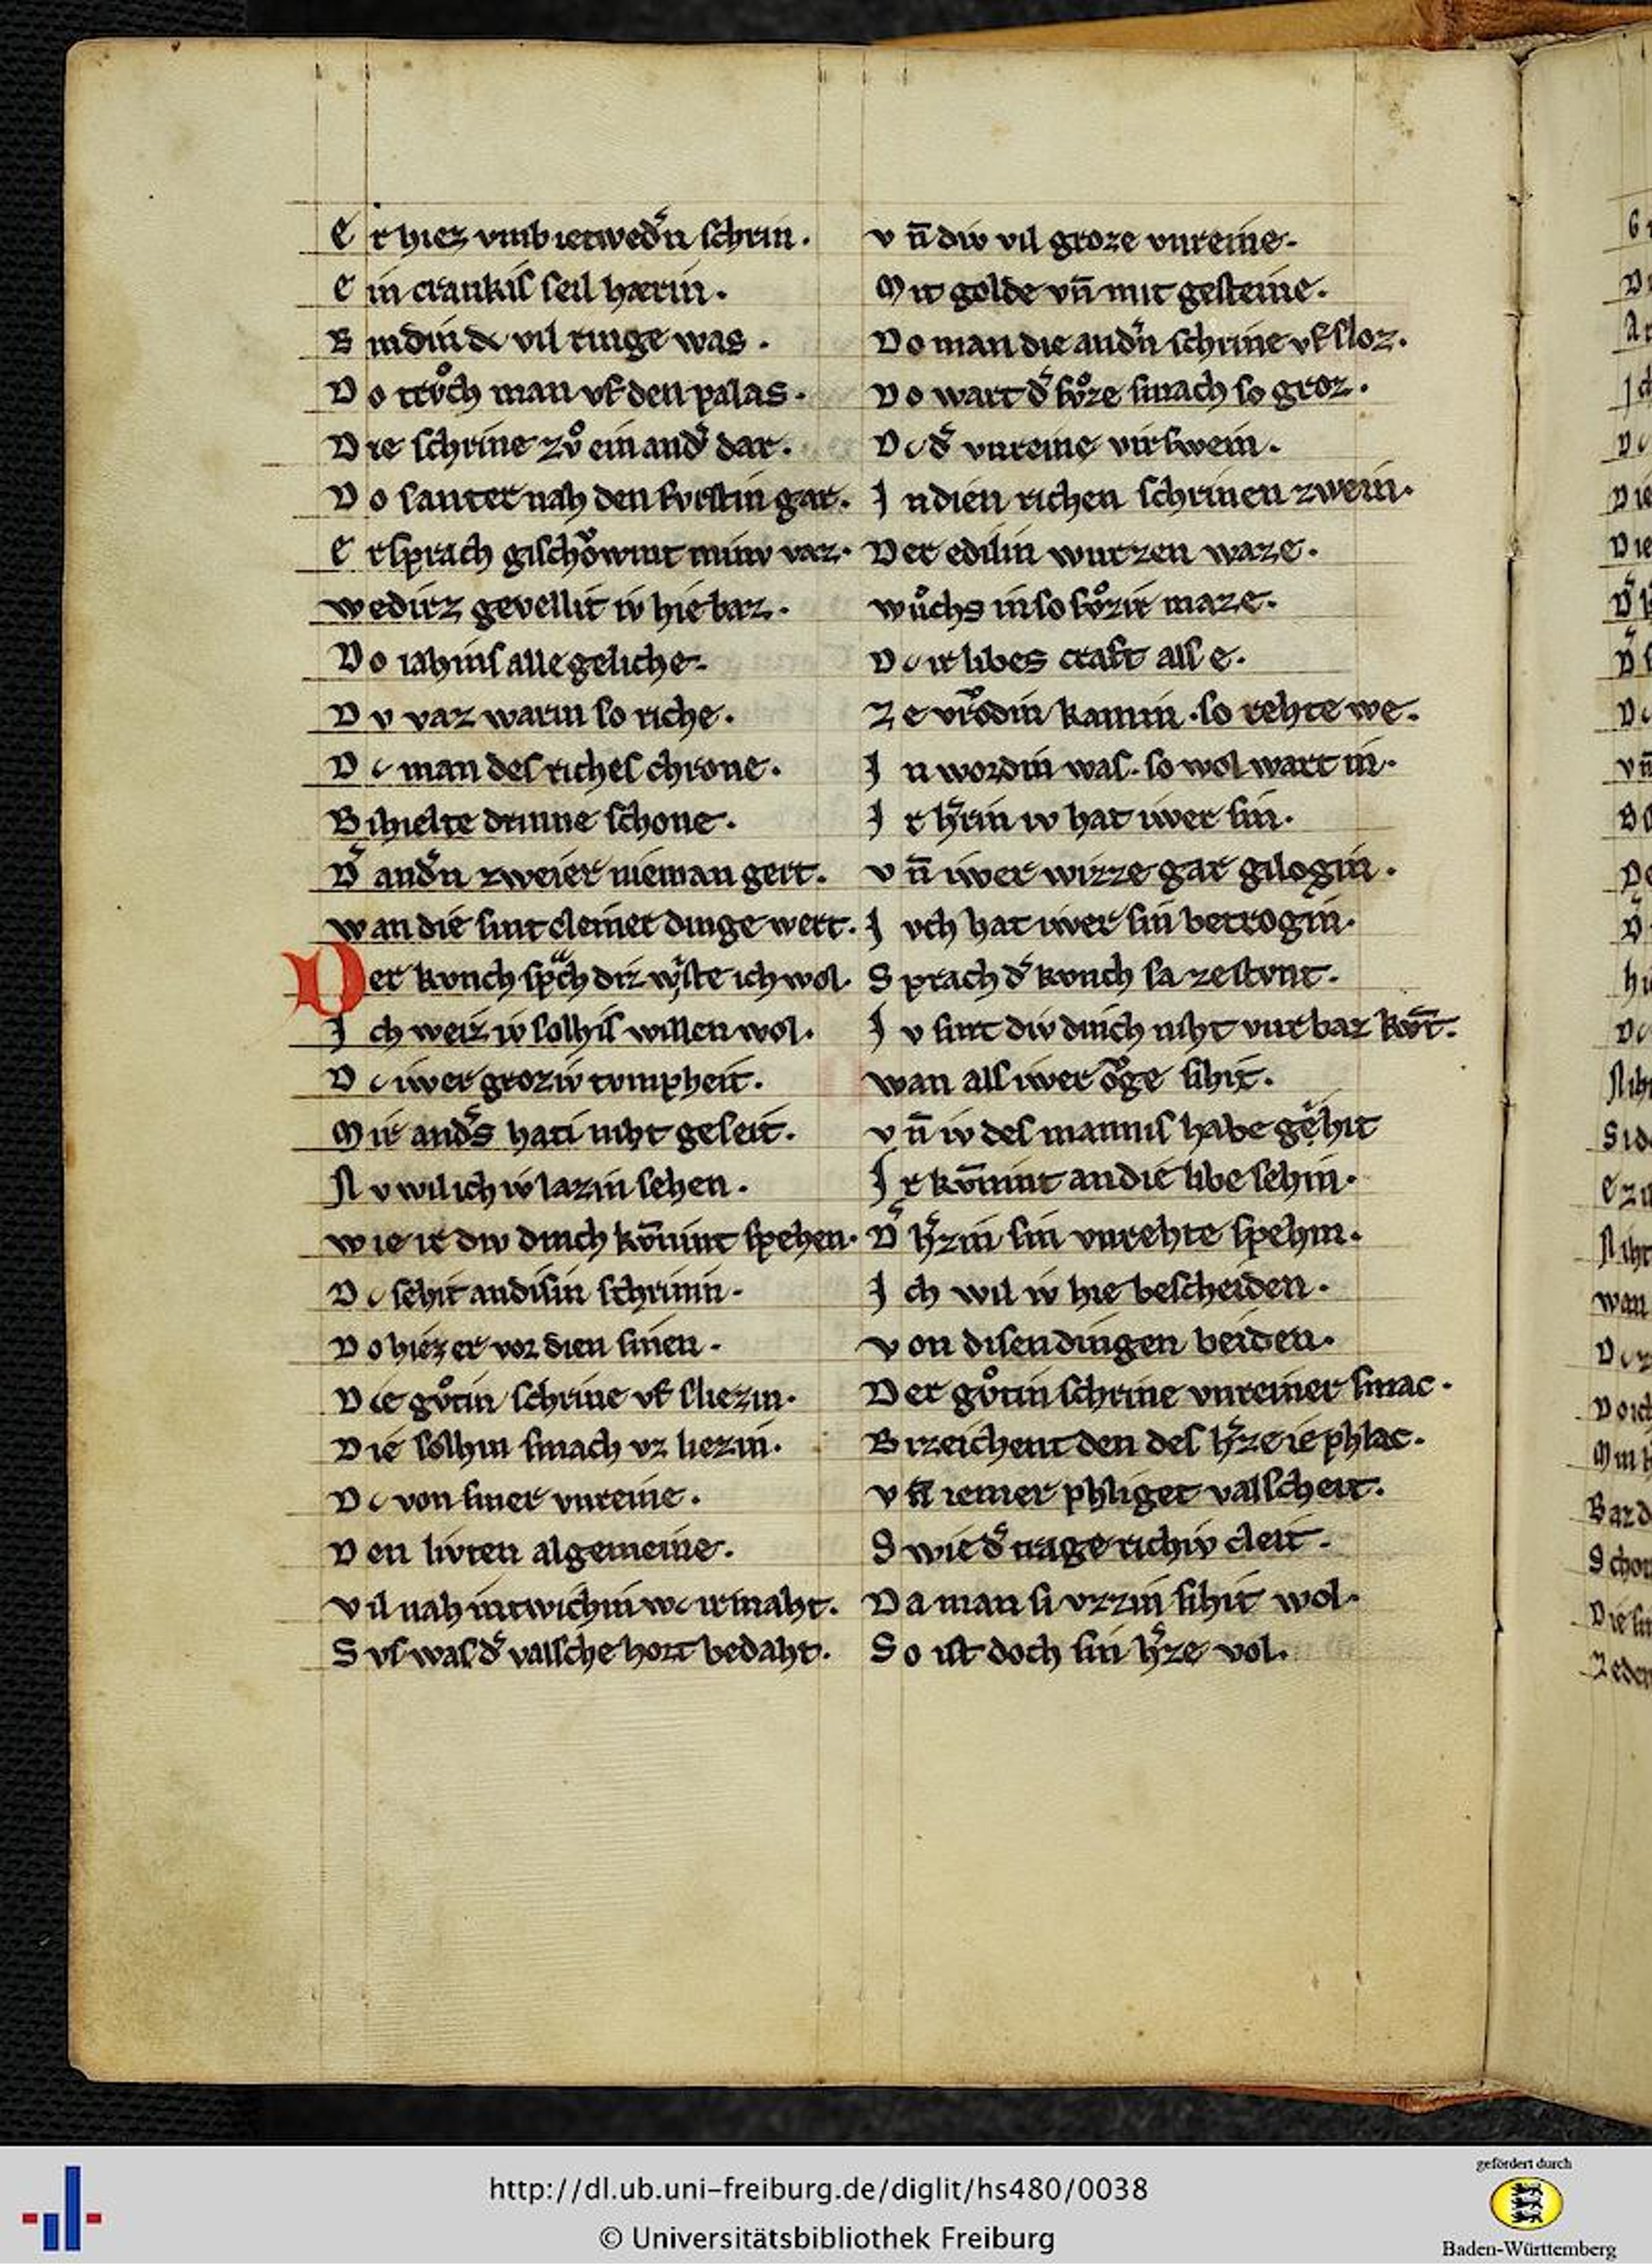Er hiez vmb ietwed(er)n ſchrin.
Ein crankiſ ſeil h[ae]rin.
Bindin d(az) vil ringe was.
Do trv°och man vf den palas.
Die ſchrine zv°o ein and(er) dar.
Do ſante er nah den fvrſtin gar.
Er ſprach giſcho°vwint minv vaz.
Wedirz gevellit iv hie baz.
Do iahinſ alle geliche.
Dv vaz warin ſo riche.
D(az) man deſ richeſ chrone.
Bihielte drinne ſchone.
D(er) and(er)n zweier nieman gert.
Wan die ſint cleiner dinge wert.
*Der kvnch ſp(ra)ch diz w°(i)ſte ich wol.
Ich weiz iv ſolhiſ willen wol.
D(az) iwer groziv tvmpheit.
Mir and(er)s hati niht geſeit.
Nv wil ich iv lazin ſehen.
Wie ir div dinch kv(n)nint ſpehen.
D(az) ſehit andiſin ſchrinin.
Do hiez er vor dien ſinen.
Die gv°otin ſchrine vf ſliezin.
Die ſolhin ſmach vz liezin.
D(az) von ſiner vnreine.
Den livten algemeine.
Vil nah intwichin w(az) irmaht.
Svſ waſ d(er) valſche hort bedaht.
Vn(d) div vil groze vnreine.
Mit golde vn(d) mit geſteine.
Do man die and(er)n ſchrine vfſloz.
Do wart d(er) ſv°oze ſmach ſo groz.
D(az) d(er) vnreine virſwein.
Indien richen ſchrinen zwein.
Der edilin wurzen waze.
Wu°ochs inſo ſv°ozir maze.
D(az) ir libes craft alſ e.
Ze vr°vodin kamin. ſo rehte we.
In wordin was. ſo wol wart in.
Ir h(er)rin iv hat iwer ſin.
Vn(d) iwer wizze gar gilogin.
Ivch hat iwer ſin betrogin.
Sprach d(er) kvnch ſa zeſtvnt.
Iv ſint div dinch niht vur baz kv(n)t.
Wan alſ iwer o°vge ſihit.
Vn(d) iv deſ manniſ habe ge°(i)hit
Ir kv(n)nint an die libe ſehin.
D(er) h(er)zin ſin vnrehte ſpehin.
Ich wil iv hie beſcheiden.
Von diſen dingen beiden.
Der gv°otin ſchrine vnreiner ſmac.
Bizeichent den deſ h(er)ze ie phlac.
Vn(d) iemer phliget valſcheit.
Swie d(er) trage richiv cleit.
Da man ſi vzzin ſihit wol.
So iſt doch ſin h(er)ze vol.